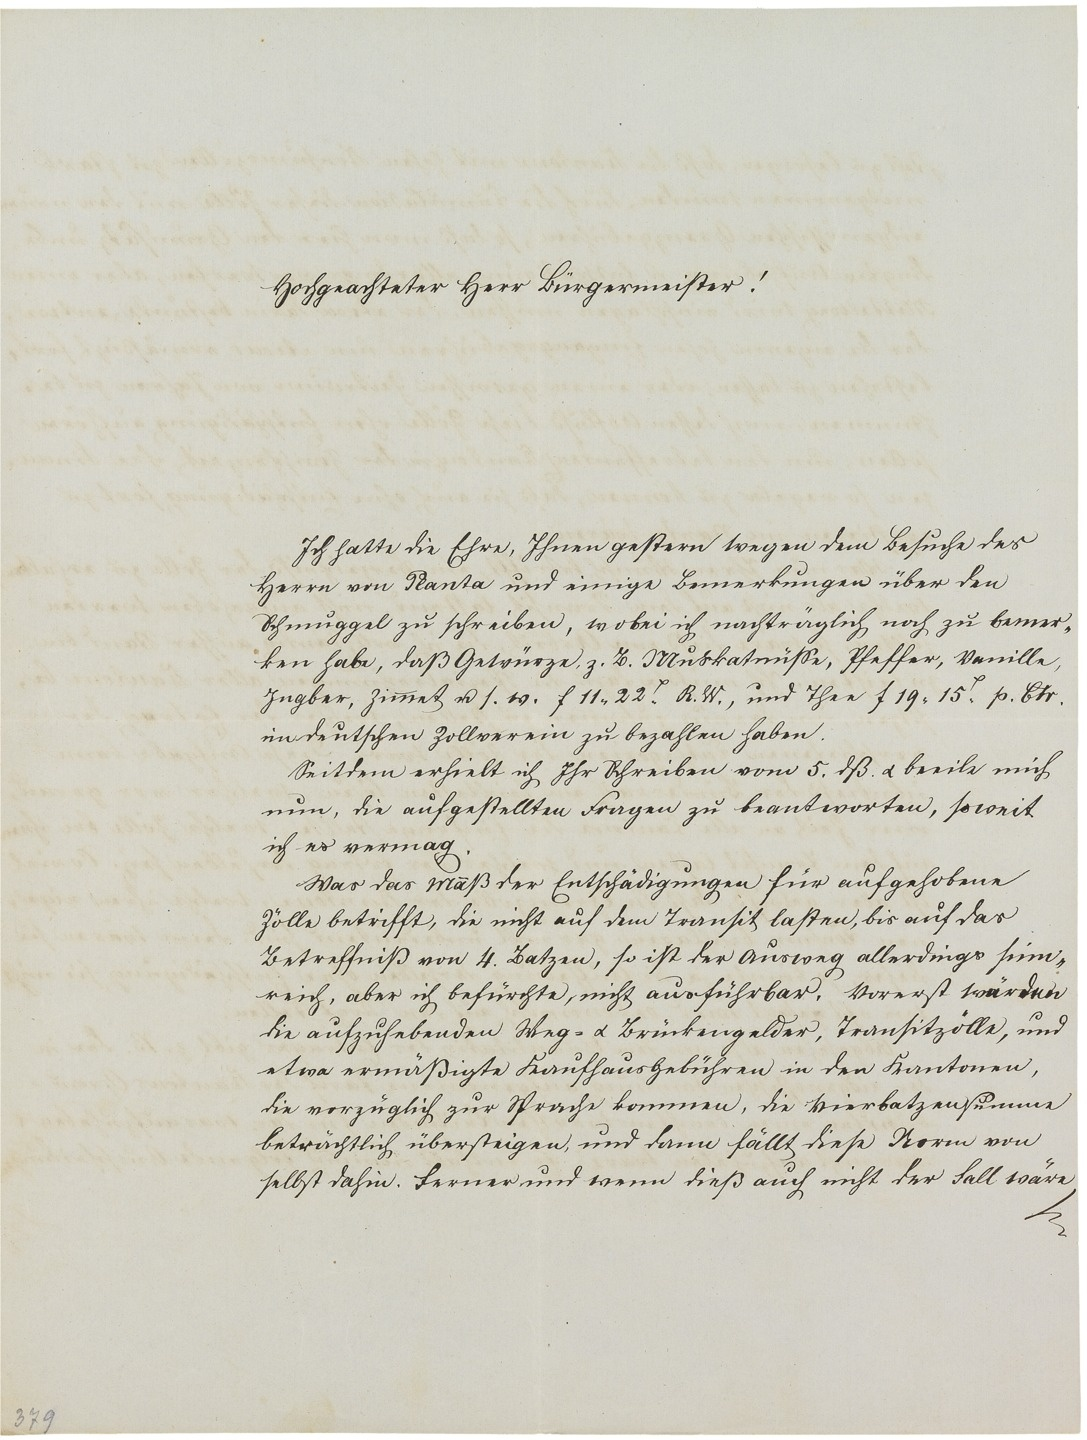Hochgeachteter Herr Bürgermeister!
Ich hatte die Ehre, Ihnen gestern wegen dem Besuche des
Herrn von Planta und einige Bemerkungen über den
Schmuggel zu schreiben, wobei ich nachträglich noch zu bemer-
ken habe, daß Gewürze, z. B. Muskatnüsse, Pfeffer, Vanille,
Ingber, Zimmet &s. w. f 11-22 ... R.W. , und Thee f 19-15 ... p. Ctr.
im deutschen Zollverein zu bezahlen haben.
Seitdem erhielt ich Ihr Schreiben vom 5. dß. & beeile mich
nun, die aufgestellten Fragen zu beantworten, soweit
ich es vermag.
Was das Maaß der Entschädigungen für aufgehobene
Zölle betrifft, die nicht auf dem Transit lasten, bis auf das
Betreffniß von 4. Batzen, so ist der Ausweg allerdings sinn-
reich, aber ich befürchte, nicht ausführbar. Vorerst würden
die aufzuhebenden Weg- & Brückengelder, Transitzölle, und
etwa ermäßigte Kaufhausgebühren in den Kantonen,
die vorzüglich zur Sprache kommen, die Vierbatzensumme
beträchtlich übersteigen, und dann fällt diese Norm von
selbst dahin. Ferner und wenn dieß auch nicht der Fall wäre